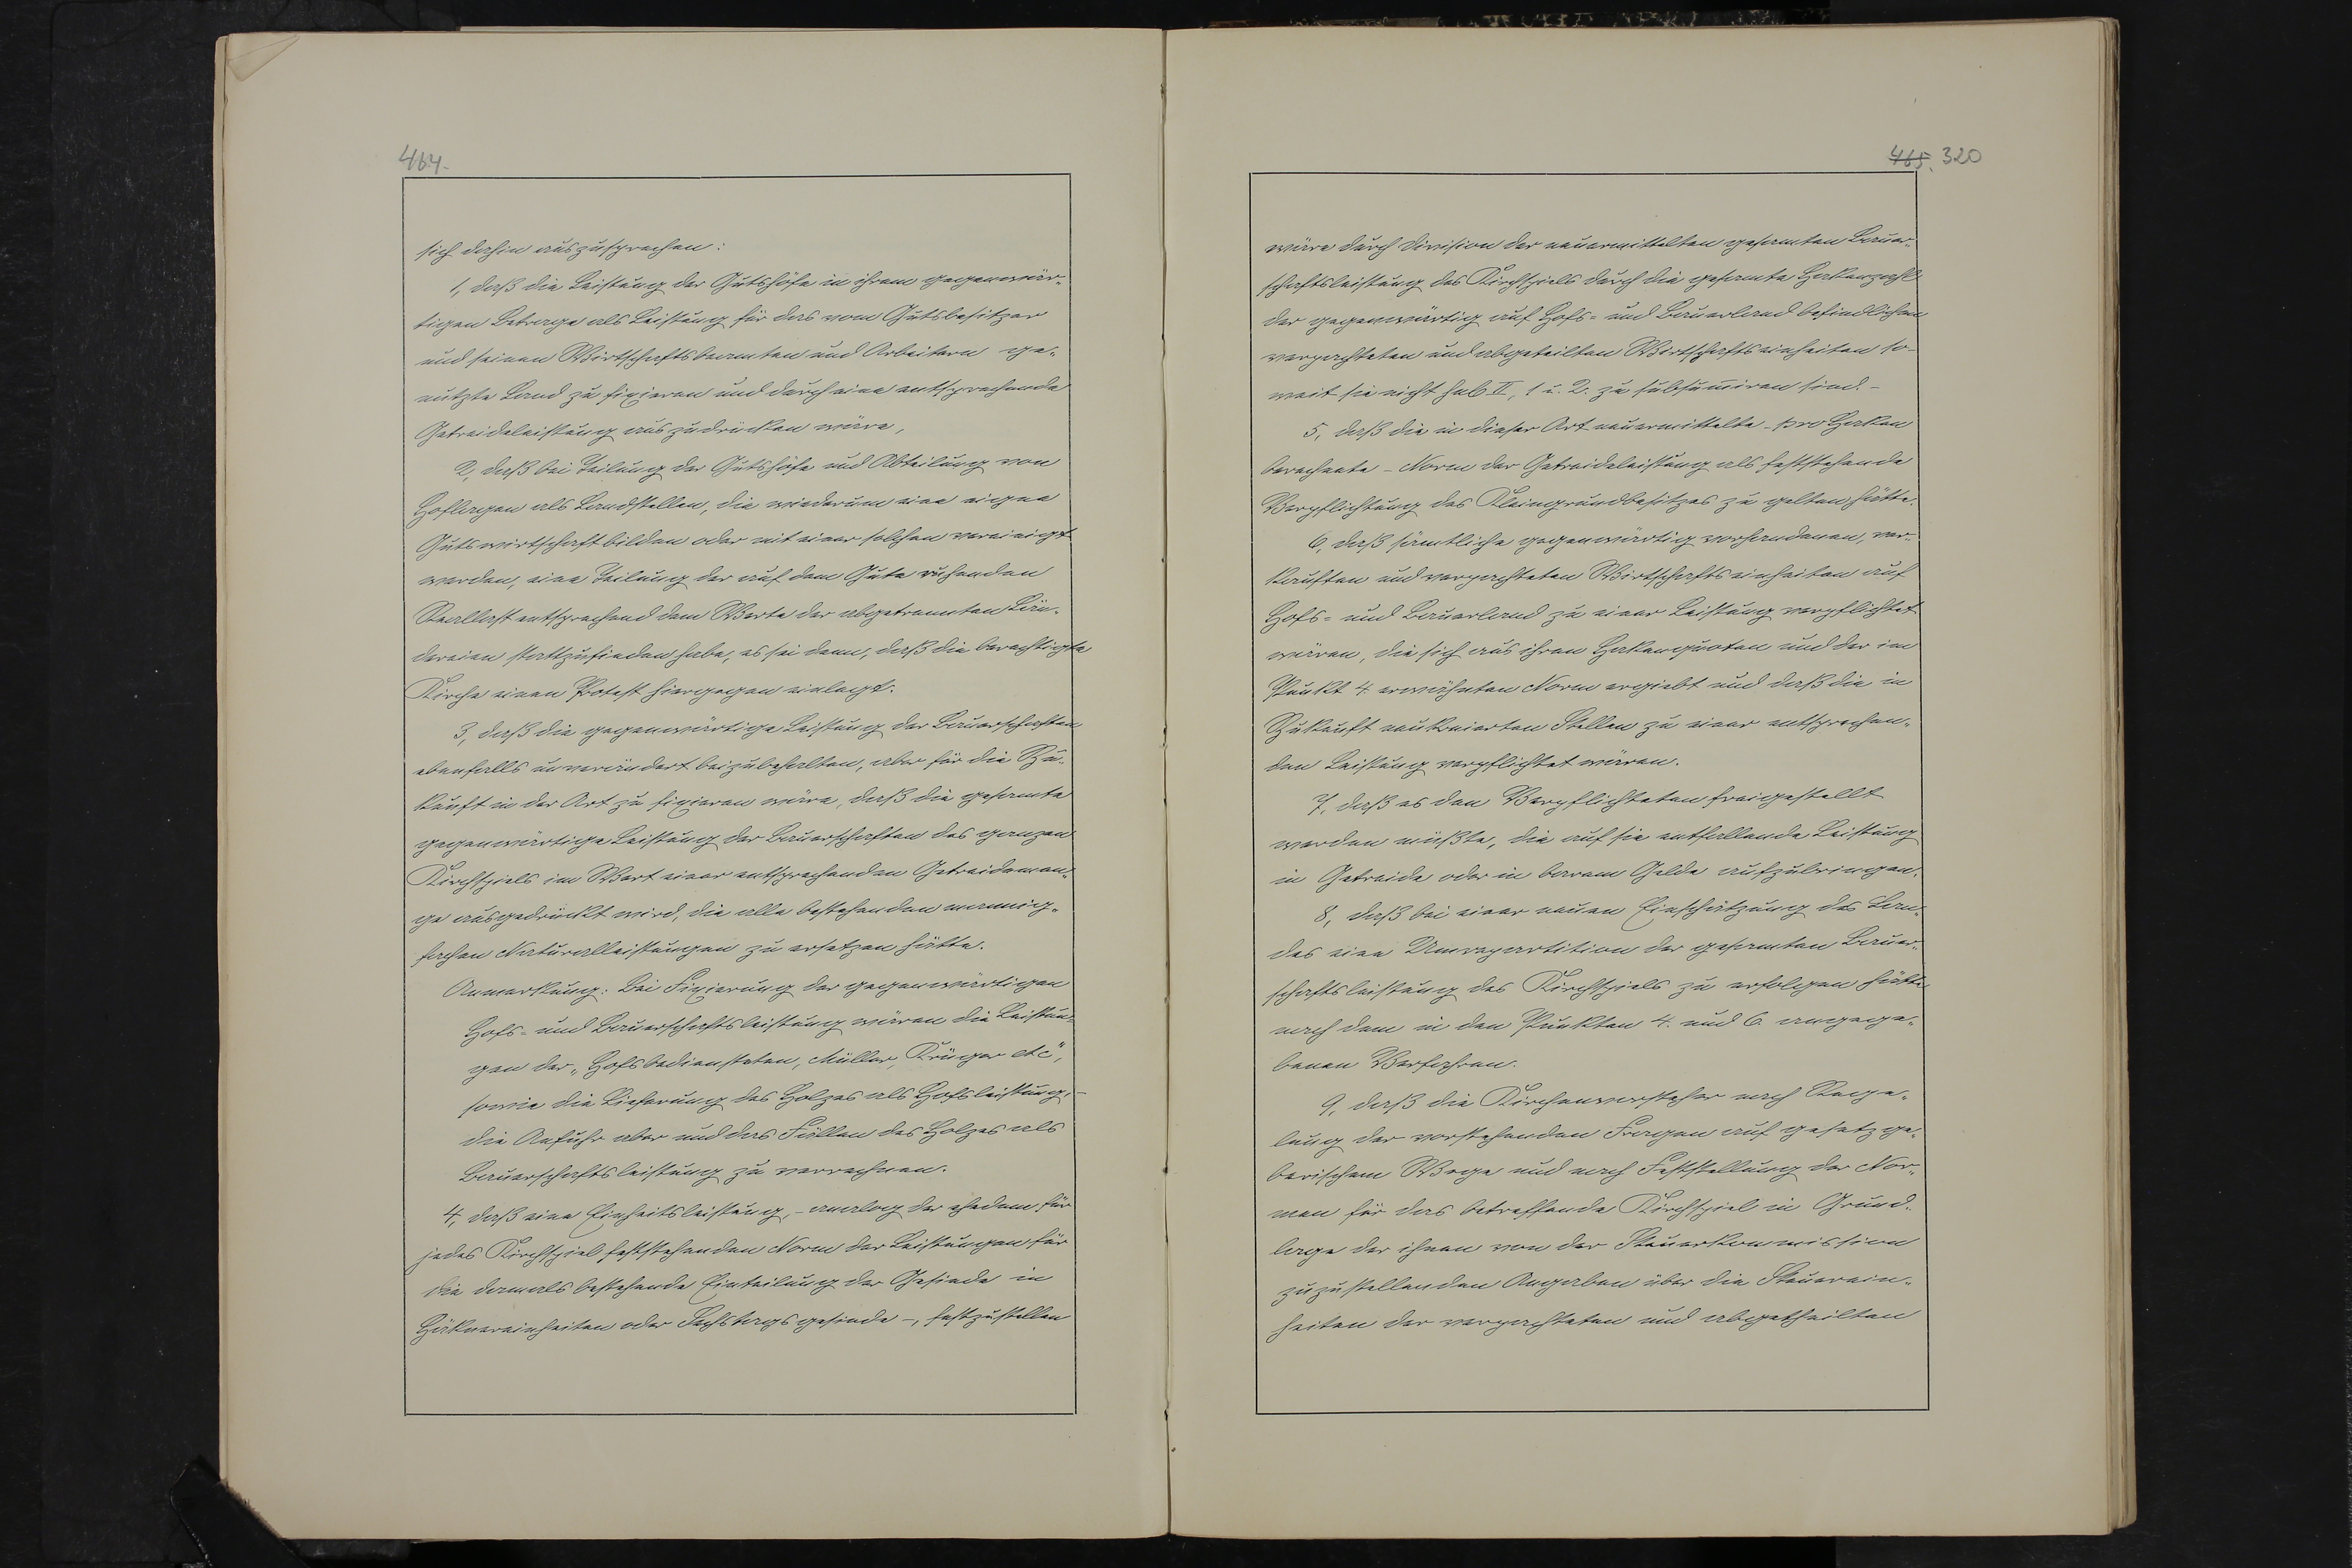sich dahin auszusprechen:
1. daß die Leistung der Gutshöfe in ihrem gegenwär-
tigen Betrage als Leistung für das vom Gutsbesitzer
und seinen Wirtschaftsbeamten und Arbeitern ge-
nutzte Land zu fixieren und durch eine entsprechende
Getreideleistung auszudrücken wäre,
2. daß bei Teilung der Gutshöfe und Abteilung von
Hoflagen als Landstellen, die wiederum eine eigene
Gutswirtschaft bilden oder mit einer solchen vereinigt
werden, eine Teilung der auf dem Gute ruhenden
Reallast entsprechend dem Werte der abgetrennten Län-
dereien stattzufinden habe, es sei denn, daß die berechtigte
Kirche einen Protest hiergegen einlegt.
3. daß die gegenwärtige Leistung der Bauerschaften
ebenfalls unverändert beizubehalten, aber für die Zu-
kunft in der Art zu fixieren wäre, daß die gesamte
gegenwärtige Leistung der Bauerschaften des ganzen
Kirchspiels im Wert einer entsprechenden Getreidemen-
ge ausgedrückt wird, die alle bestehenden mannig-
fachen Naturalleistungen zu ersetzen hätte.
Anmerkung: Bei Fixierung der gegenwärtigen
Hofs- und Bauerschaftsleistung wären die Leistun-
gen der „Hofsbediensteten, Müller, Krüger etc“,
sowie die Lieferung des Holzes als Hofsleistung,
die Anfuhr aber und das Fällen des Holzes als
Bauerschaftsleistung zu verrechnen.
4. daß eine Einheitsleistung, – analog der ehedem für
jedes Kirchspiel feststehenden Norm der Leistungen für
die damals bestehende Einteilung der Gesinde in
Häknereinheiten oder Sechstagsgesinde, – festzustellen
wäre durch Division der neuermittelten gesamten Bauer-
schaftsleistung des Kirchspiels durch die gesamte Hakenzahl
der gegenwärtig auf Hofs- und Bauerland befindlichen
verpachteten und abgeteilten Wirtschaftseinheiten so-
weit sie nicht sub II.1 u. 2. zu subsummiren sind.
5. daß die in dieser Art neuermittelte – pro Haken
berechnete – Norm der Getreideleistung als feststehende
Verpflichtung des Kleingrundbesitzes zu gelten hätte.
6. daß sämtliche gegenwärtig vorhandenen, ver-
kauften und verpachteten Wirtschaftseinheiten auf
Hofs- und Bauerland zu einer Leistung verpflichtet
wären, die sich aus ihren Hakenquoten und der im
Punkt 4. erwähnten Norm ergiebt und daß die in
Zukunft neukreierten Stellen zu einer entsprechen-
den Leistung verpflichtet wären.
7. daß es den Verpflichteten freigestellt
werden müßte, die auf sie entfallende Leistung
in Getreide oder in barem Gelde aufzubringen.
8. daß bei einer neuen Einschätzung des Lan-
des eine Umrepartition der gesamten Bauer-
schaftsleistung des Kirchspiels zu erfolgen hätte
nach dem in den Punkten 4. und 6. angege-
benen Verfahren.
9. daß die Kirchenvorsteher nach Rege-
lung der vorstehenden Fragen auf gesetzge-
berischem Wege und nach Feststellung der Nor-
men für das betreffende Kirchspiel in Grund-
lage der ihnen von der Steuerkommission
zuzustellenden Angaben über die Steuerein-
heiten der verpachteten und abgetheilten